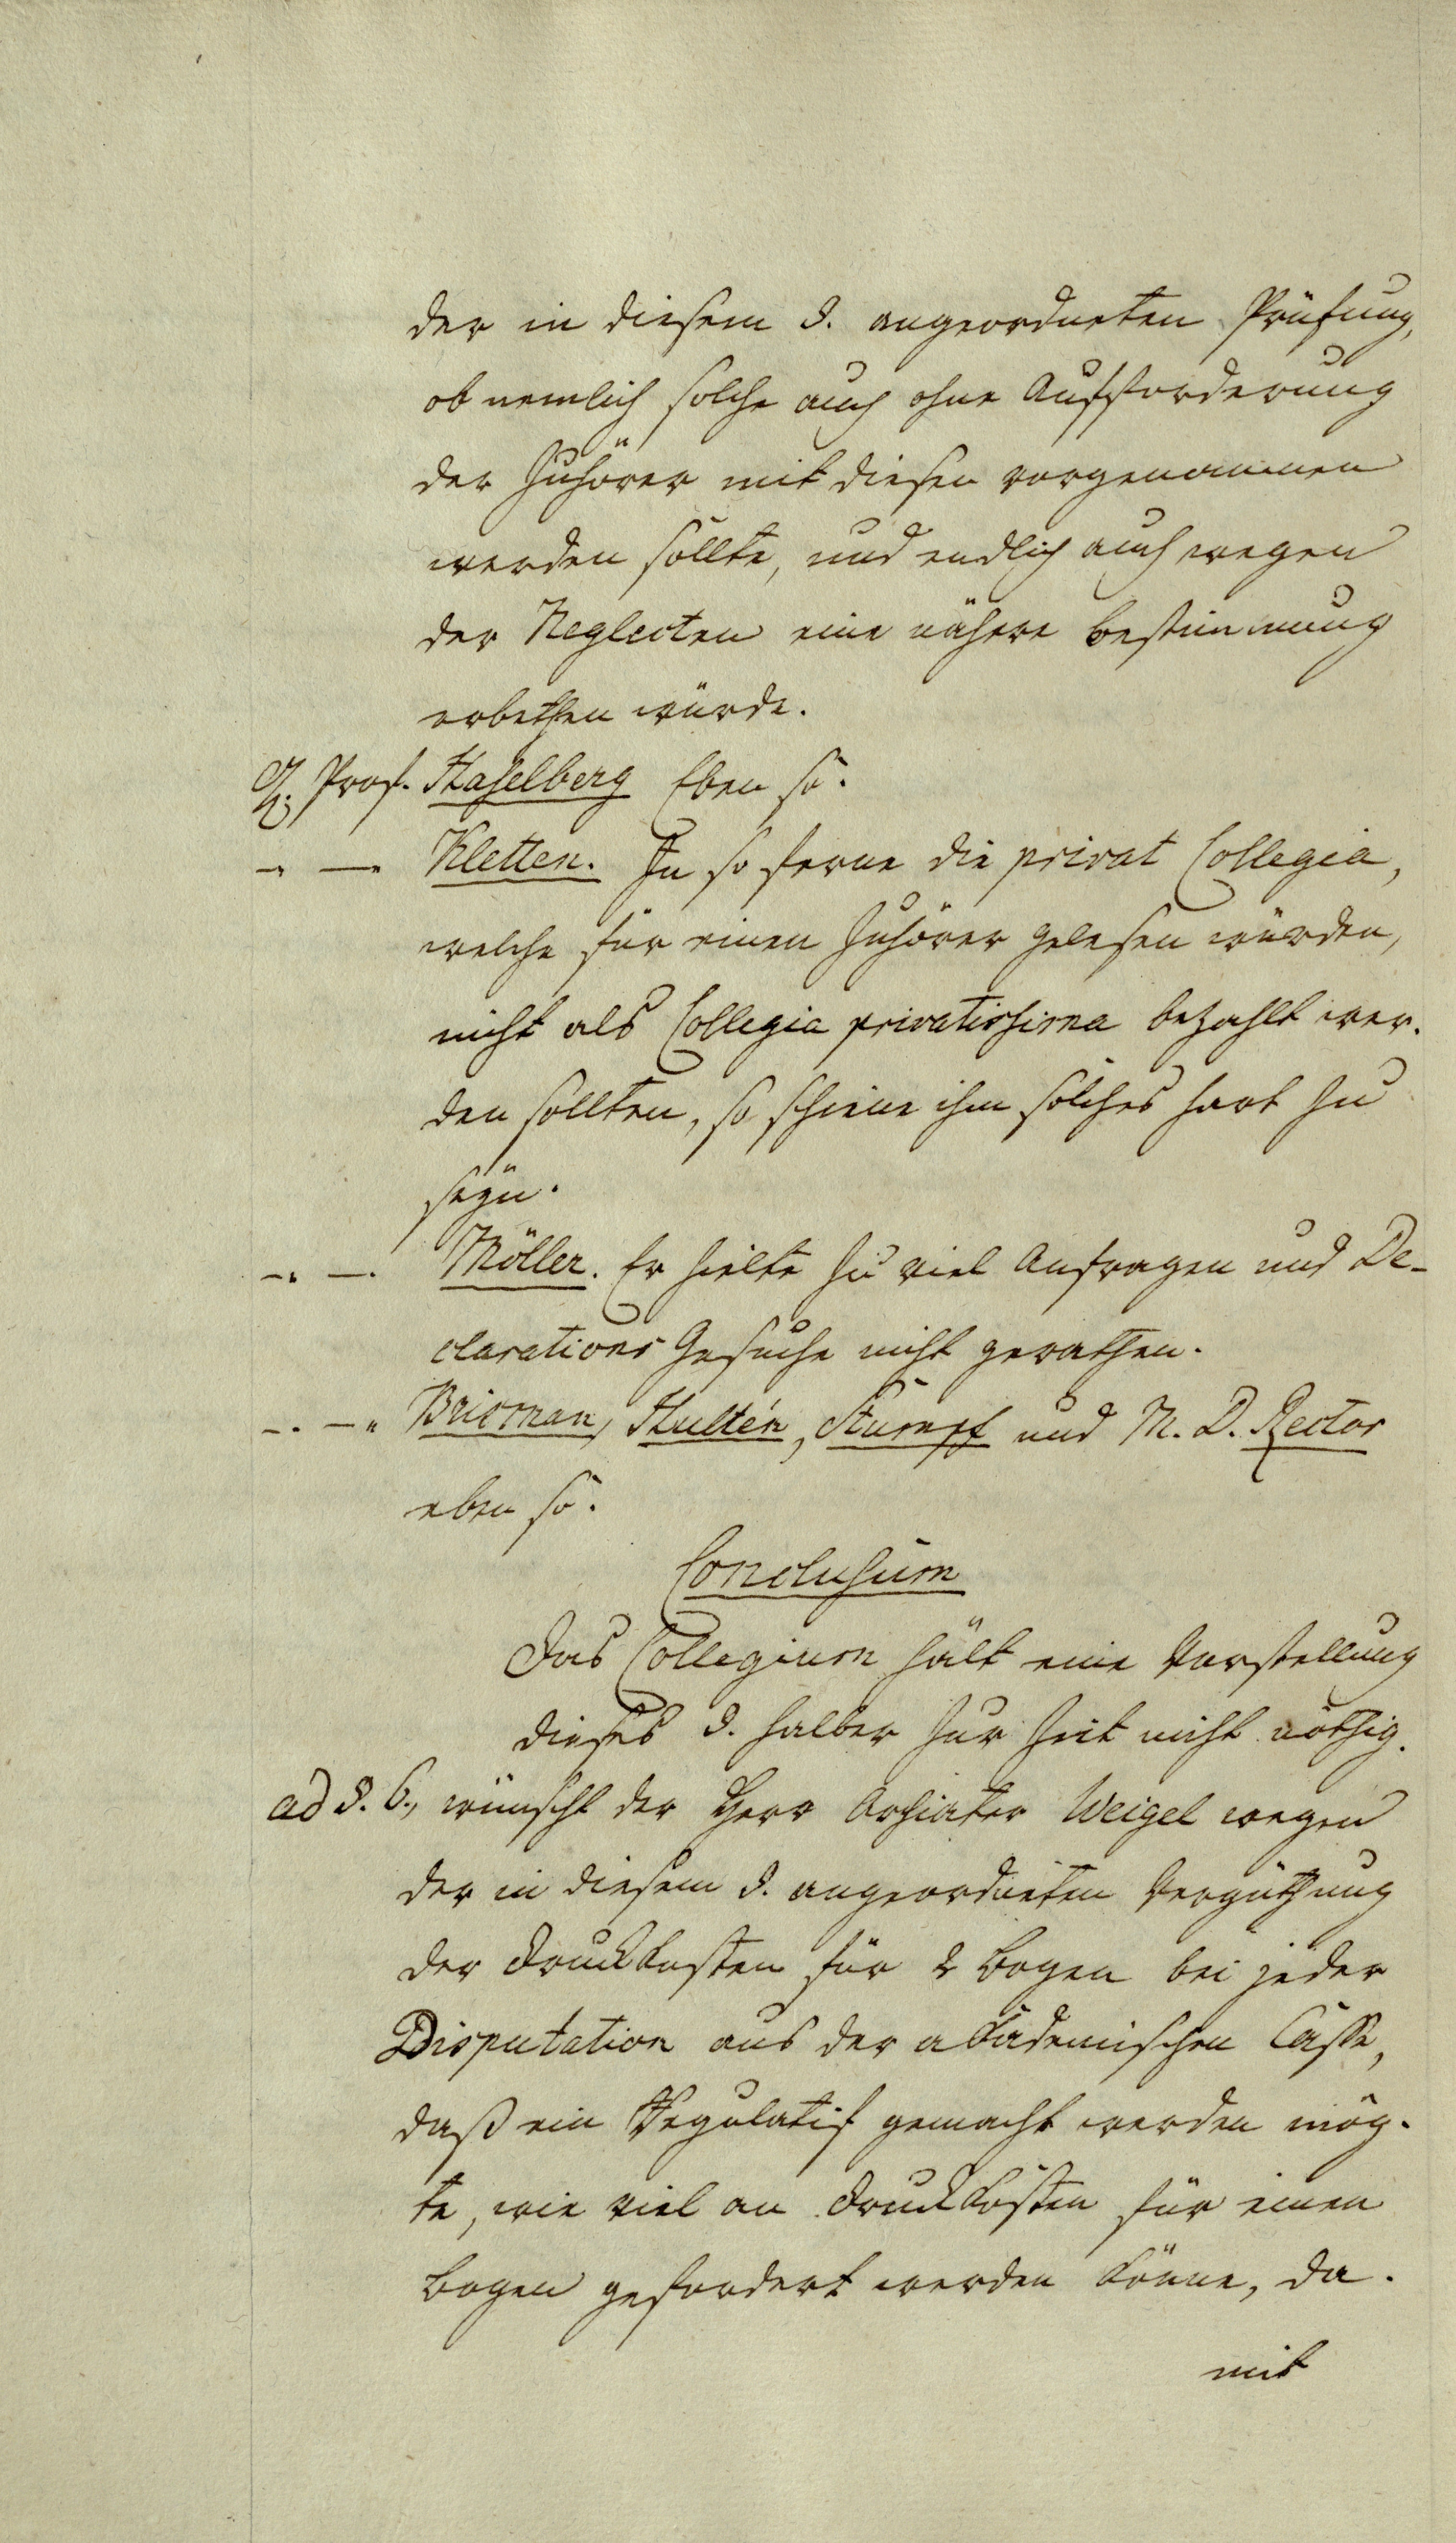der in diesem §. angeordneten Prüfung
ob nemlich solche auch ohne Aufforderung
der Zuhörer mit diesen vorgenommen
werden sollte, und endlich auch wegen
der Neglecten eine nähere Bestimmung
erbethen würde.
dh. Prof. Haselberg Eben so.
Kletten. In so ferne die privat Collegia,
welche für einen Zuhörer gelesen würden,
nicht als Collegia privatissima bezahlt wer¬
den sollten, so schiene ihm solches hart zu
seÿn.
Möller. Er hielte zu viel Anfragen und De¬
clarations Gesuche nicht gerathen.
Brisman, Hultén, Stumpf und M. D. Rector
eben so.
Conclusum
das Collegium hat eine Vorstellung
dieses . halte zur Zeit nicht nöthig
ad d. 6., wünscht der Herr Arsiater Weigel wegen
der in diesem §. angeordneten Vergüthung
der DonckLosten für 2 Bogen bei jeder
Disputation aus der akademischen Casse,
daß ein Repulatif gemacht werden möge
te, wie viel an rucklostem für einen
Bogen gefordert werden könne, da-
und